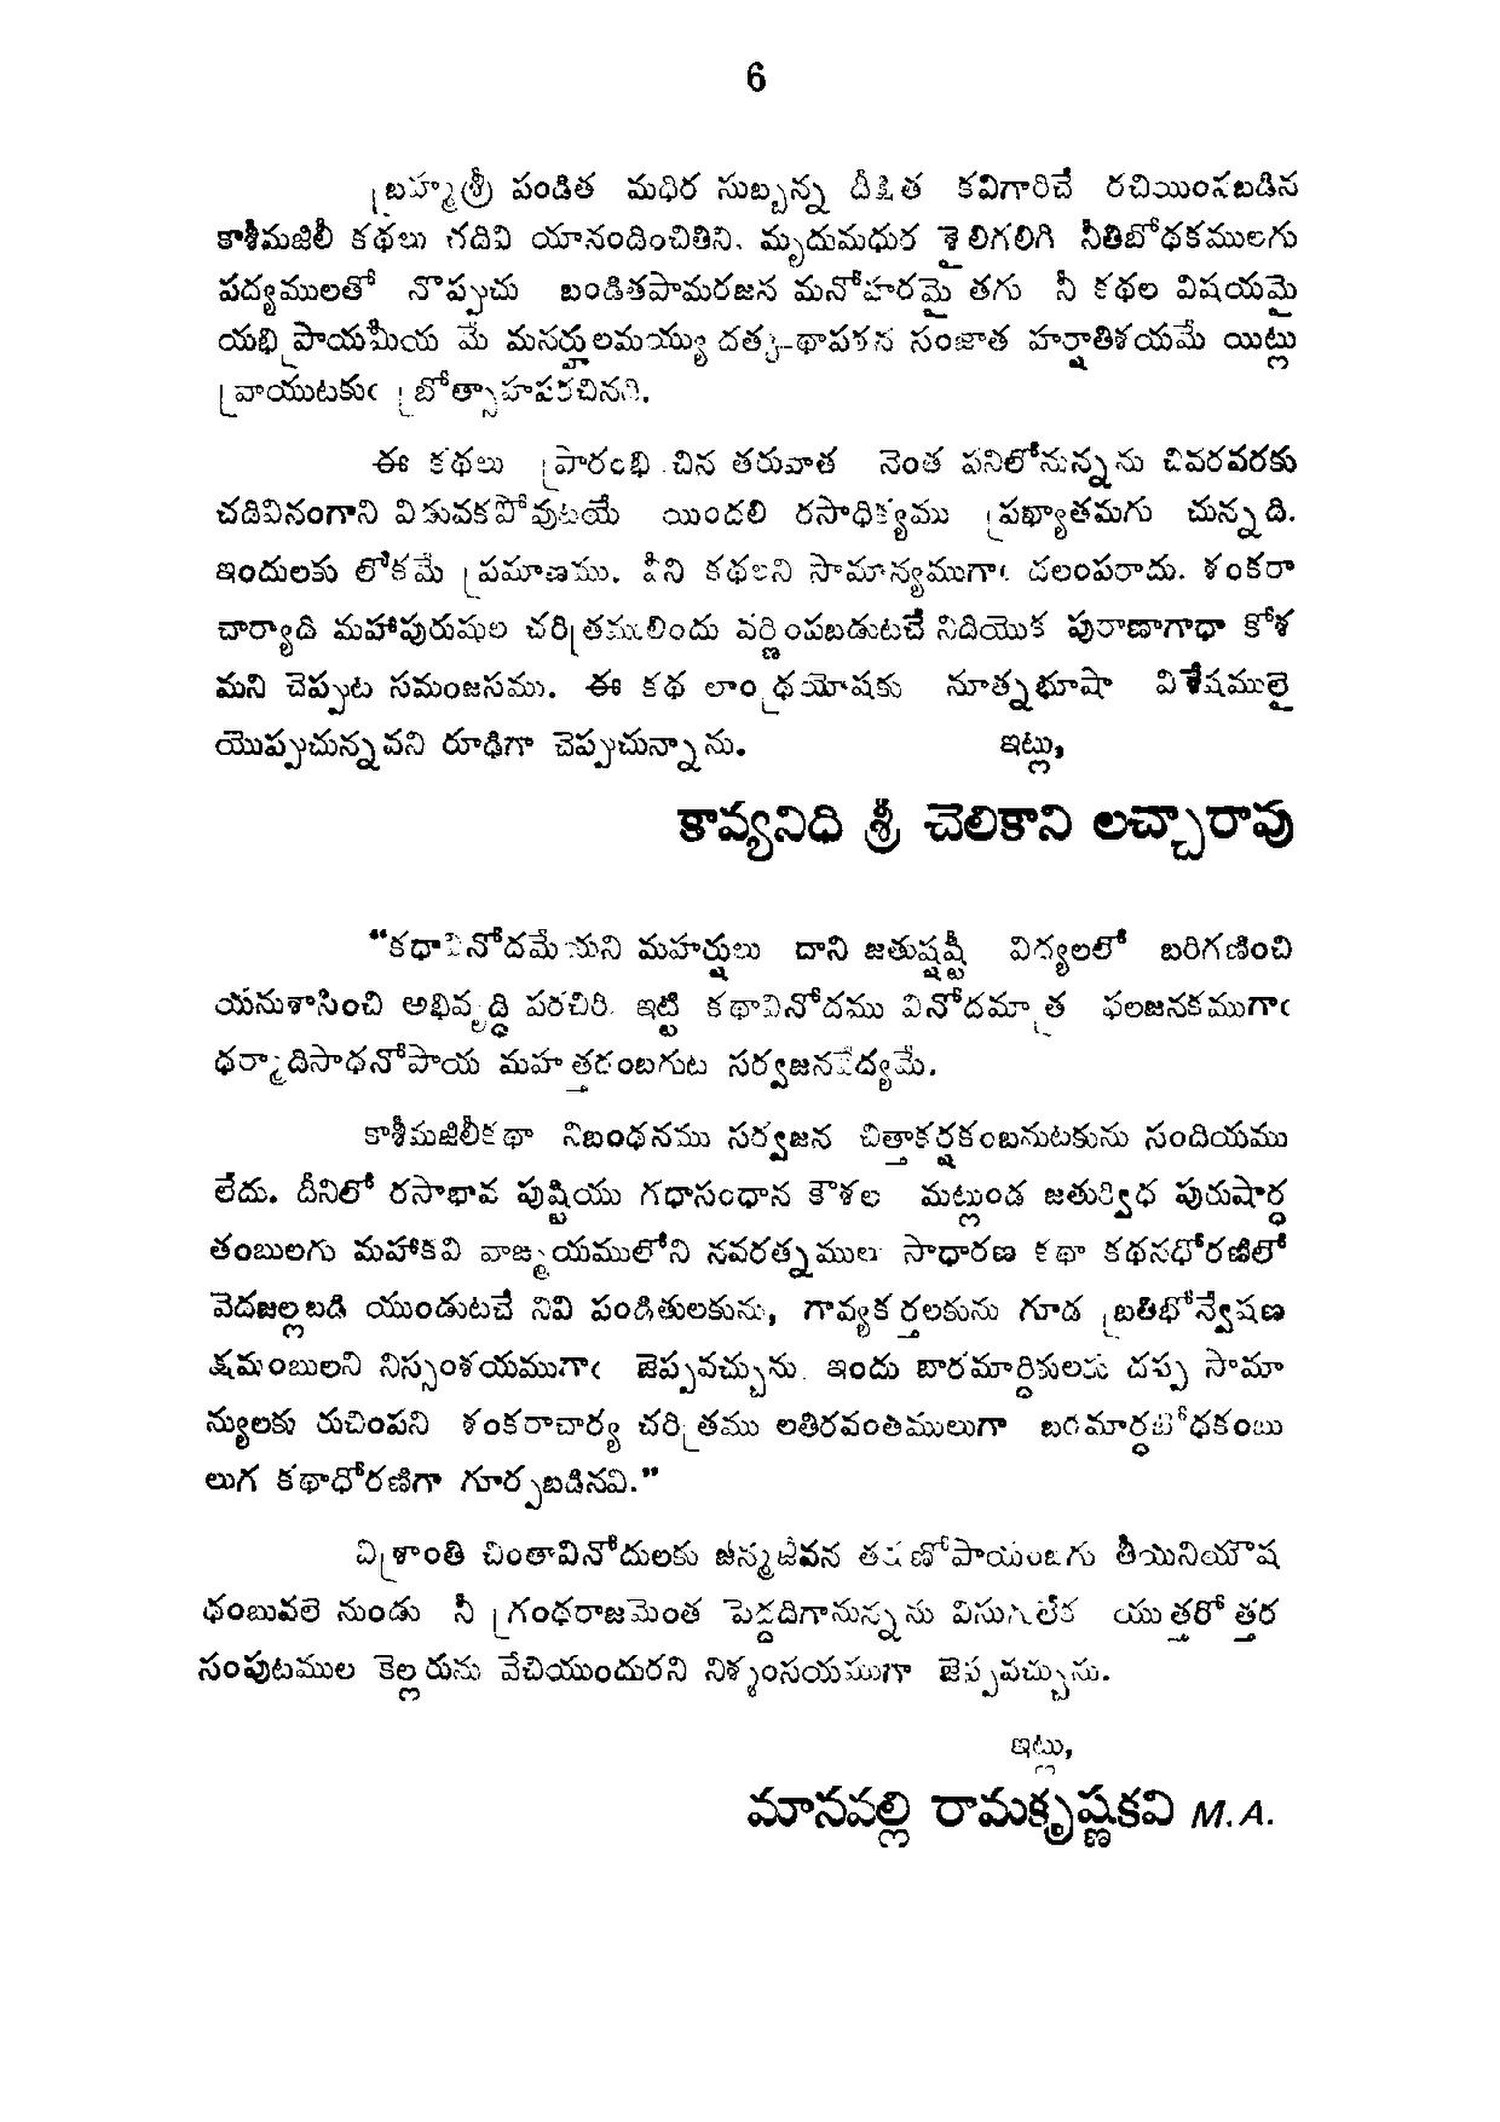బ్రహ్మశ్రీ పండిత మధిర సుబ్బన్న దీక్షిత కవిగారిచే రచింపబడిన కాశీమజిలీ కథలు చదివి యానందించితిని. మృదుమధుర శైలిగలిగి నీతిబోధకములగు పద్యములతో నొప్పుచు బండితపామరజన మనోహరమై తగు నీ కథల విషయమై యభిప్రాయమీయ మే మనర్హులమయ్యు దత్కథాపఠన సంజాత హర్షాతిశయమే యిట్లు వ్రాయుటకుఁ బోత్సాహపరచినది.

ఈ కథలు ప్రారంభించిన తరువాత నెంత పనిలోనున్నను చివరవరకు చదివినంగాని విడువకపోవుటయే యిందలి రసాధిక్యము ప్రఖ్యాతమగు చున్నది. ఇందులకు లోకమే ప్రమాణము. వీని కథలని సామాన్యముగాఁ దలంపరాదు. శంకరాచార్యాది మహాపురుషుల చరిత్రములిందు వర్ణింపబడుటచే నిదియొక పురాణాగాథాకోశమని చెప్పుట సమంజసము. ఈ కథ లాంధ్రయోషకు నూత్నభూషావిశేషములై యొప్పుచున్నవని రూఢిగా చెప్పుచున్నాను.

“కధావినోదమేయని మహర్షులు దాని జతుష్షష్టి విద్యలలో బరిగణించి యనుశాసించి అభివృద్ధి పరచిరి. ఇట్టి కథావినోదము వినోదమాత్ర ఫలజనకముగాఁ ధర్మాదిసాధనోపాయ మహత్తరంబగుట సర్వజనవేద్యమే.

కాశీమజిలీకథా నిబంధనము సర్వజన చిత్తాకర్షకంబనుటకును సందియము లేదు. దీనిలో రసాభావ పుష్టియు గథాసంధాన కౌశల మట్లుండ జతుర్విధ పురుషార్ధతంబులగు మహాకవి వాఙ్మయములోని నవరత్నములు సాధారణ కథా కథనధోరణిలో వెదజల్లబడి యుండుటచే నివి పండితులకును, గావ్యకర్తలకును గూడ బ్రతిభోన్వేషణ క్షమంబులని నిస్సంశయముగాఁ జెప్పవచ్చును. ఇందు బారమార్ధికులకు దప్ప సామాన్యులకు రుచింపని శంకరాచార్య చరిత్రము లతిరవంతములుగా బరమార్ధబోధకంబులుగ కథాధోరణిగా గూర్పబడినవి."

విశ్రాంతి చింతావినోదులకు జన్మజీవన తరుణోపాయంబగు తీయనియౌషధంబువలె నుండు నీ గ్రంథరాజమెంత పెద్దదిగానున్నను విసుగులేక యుత్తరోత్తరసంపుటముల కెల్లరును వేచియుందురని నిశ్శంసయముగా జెప్పవచ్చును.